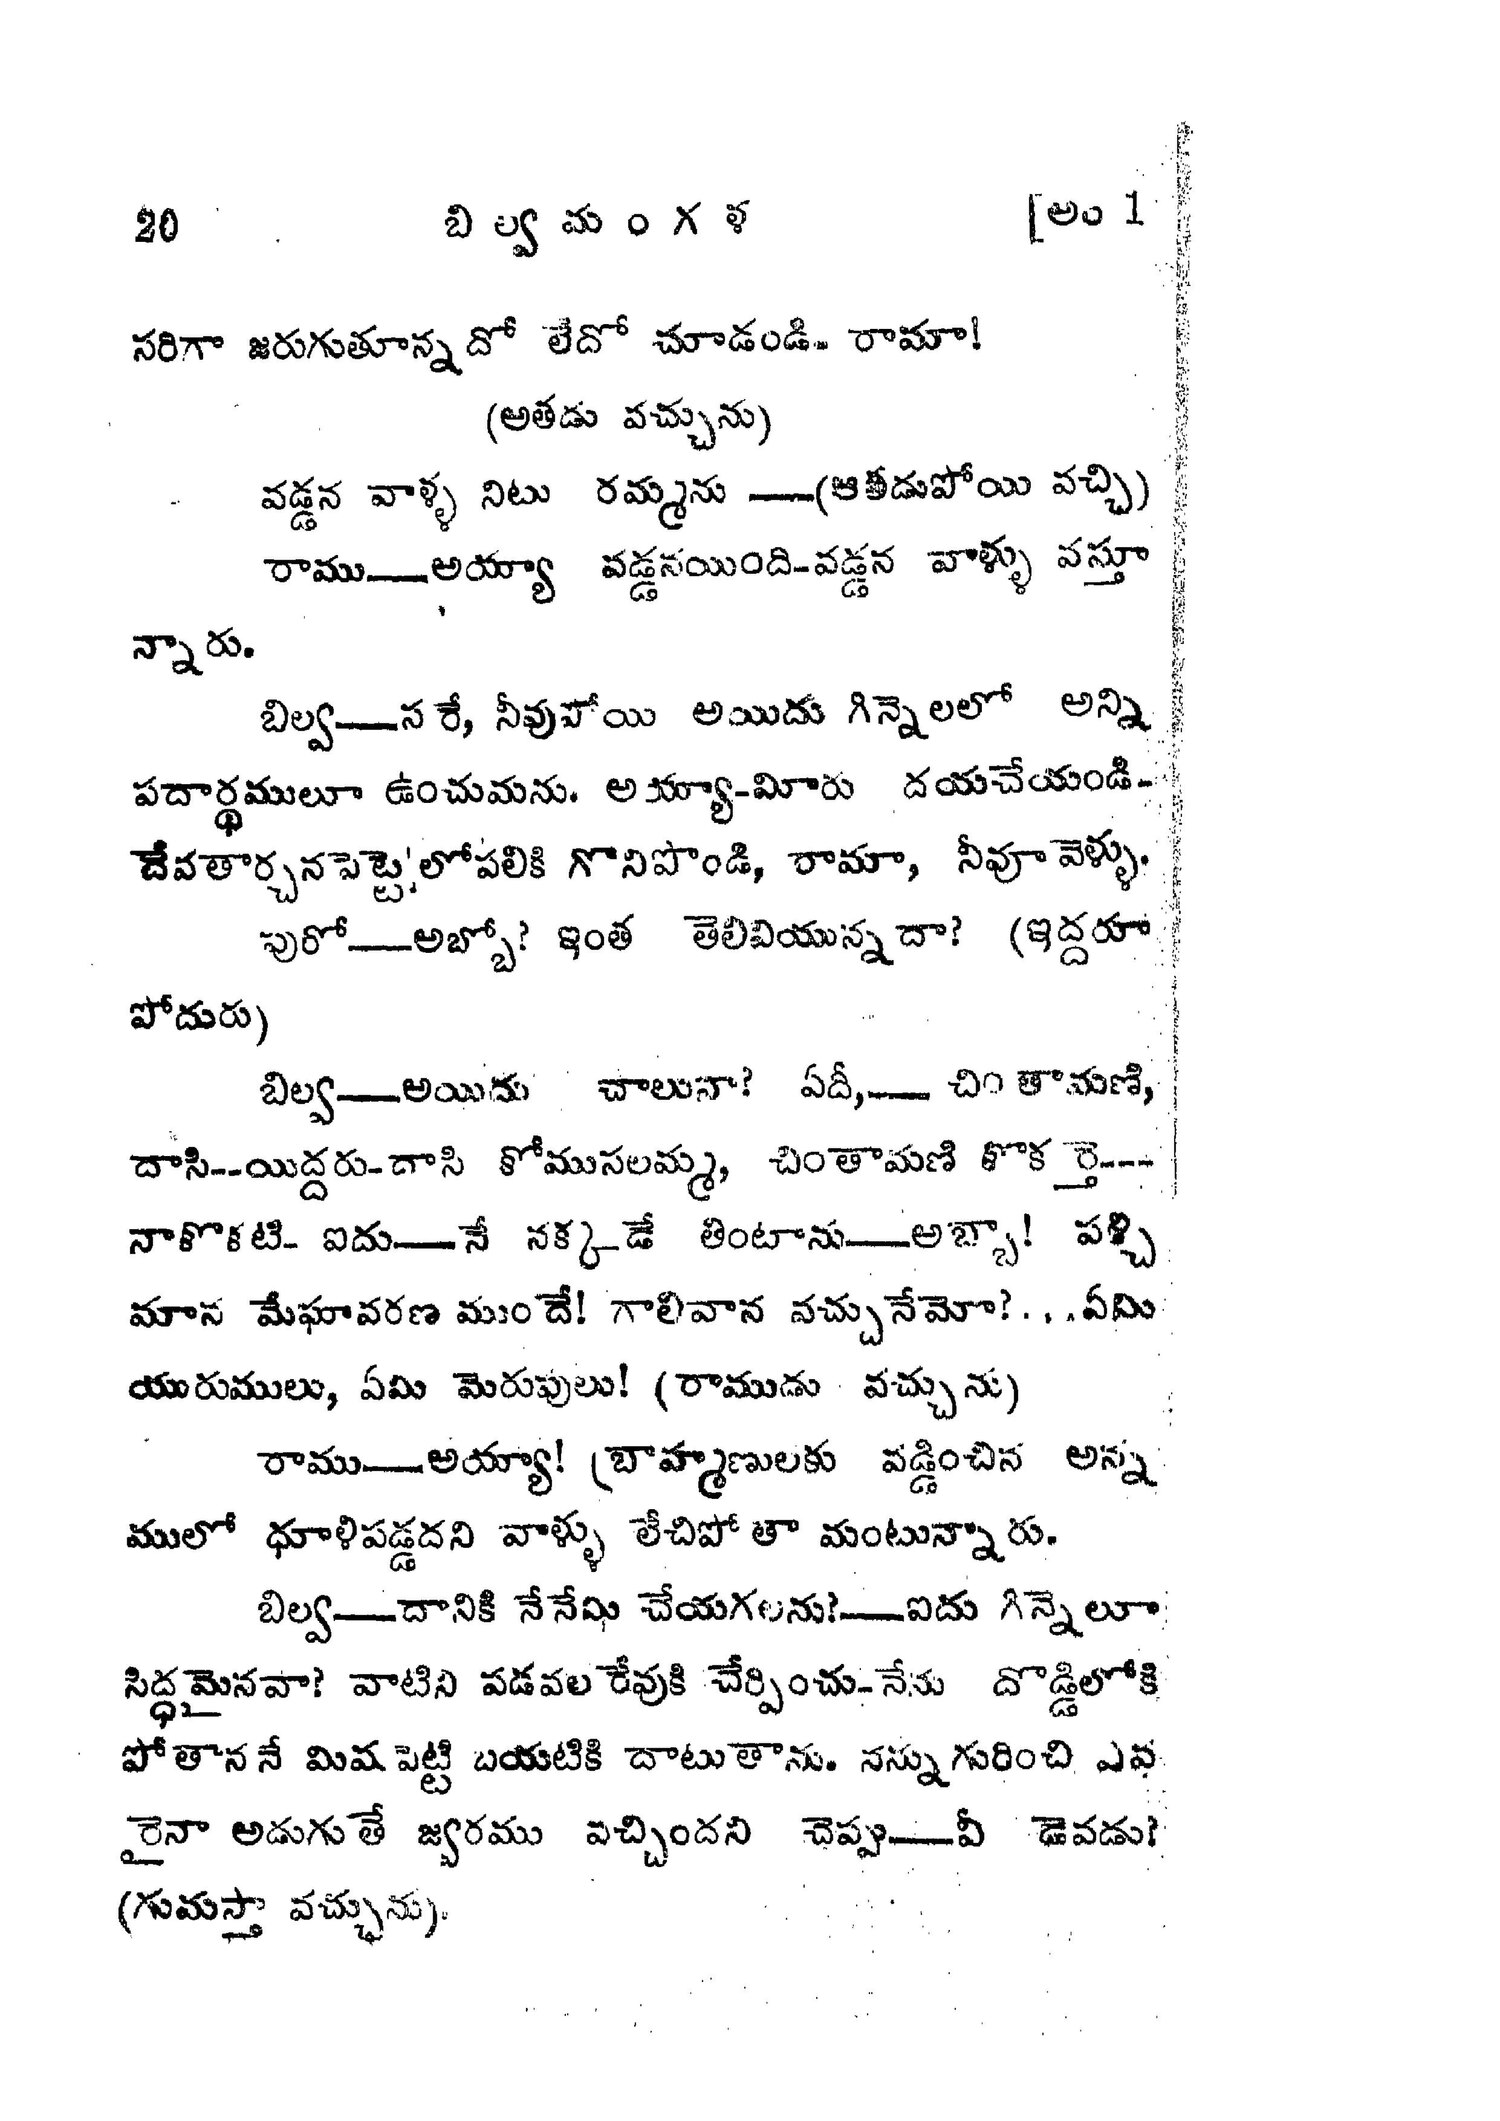సరిగా జరుగుతూన్నదో లేదో చూడండి - రామా!

వడ్డన వాళ్ళ నిటు రమ్మను - (ఆతడుపోయి వచ్చి)

రాము - అయ్యా వడ్డనయింది - వడ్డన వాళ్ళు వస్తూన్నారు.

బిల్వ - సరే, నీవుపోయి అయిదు గిన్నెలలో అన్ని పదార్థములూ ఉంచుమను. అయ్యా - మీరు దయచేయండి - దేవతార్చనపెట్టె లోపలికి గొనిపొండి, రామా, నీవూ వెళ్ళు.

పురో - అబ్బో? ఇంత తెలివియున్నదా? (ఇద్దరూ పోదురు)

బిల్వ - అయిదు చాలునా? ఏదీ, - చింతామణి, దాసి - యిద్దరు - దాసి కోముసలమ్మ, చింతామణి కొకర్తె - నాకొకటి - ఐదు - నే నక్కడే తింటాను - అబ్బా! పశ్చిమాన మేఘావరణ ముందే! గాలివాన వచ్చునేమో? ... ఏమి యురుములు, ఏమి మెరుపులు! (రాముడు వచ్చును)

రాము - అయ్యా! బ్రాహ్మణులకు వడ్డించిన అన్నములో ధూళిపడ్డదని వాళ్ళు లేచిపోతా మంటున్నారు.

బిల్వ - దానికి నేనేమి చేయగలను? - ఐదు గిన్నెలూ సిద్ధమైనవా? వాటిని పడవల రేవుకి చేర్పించు - నేను దొడ్డిలోకి పోతాననే మిషపెట్టి బయటికి దాటుతాను. నన్ను గురించి ఎవరైనా అడుగుతే జ్వరము వచ్చిందని చెప్పు - వీ డెవడు? (గుమస్తా వచ్చును)